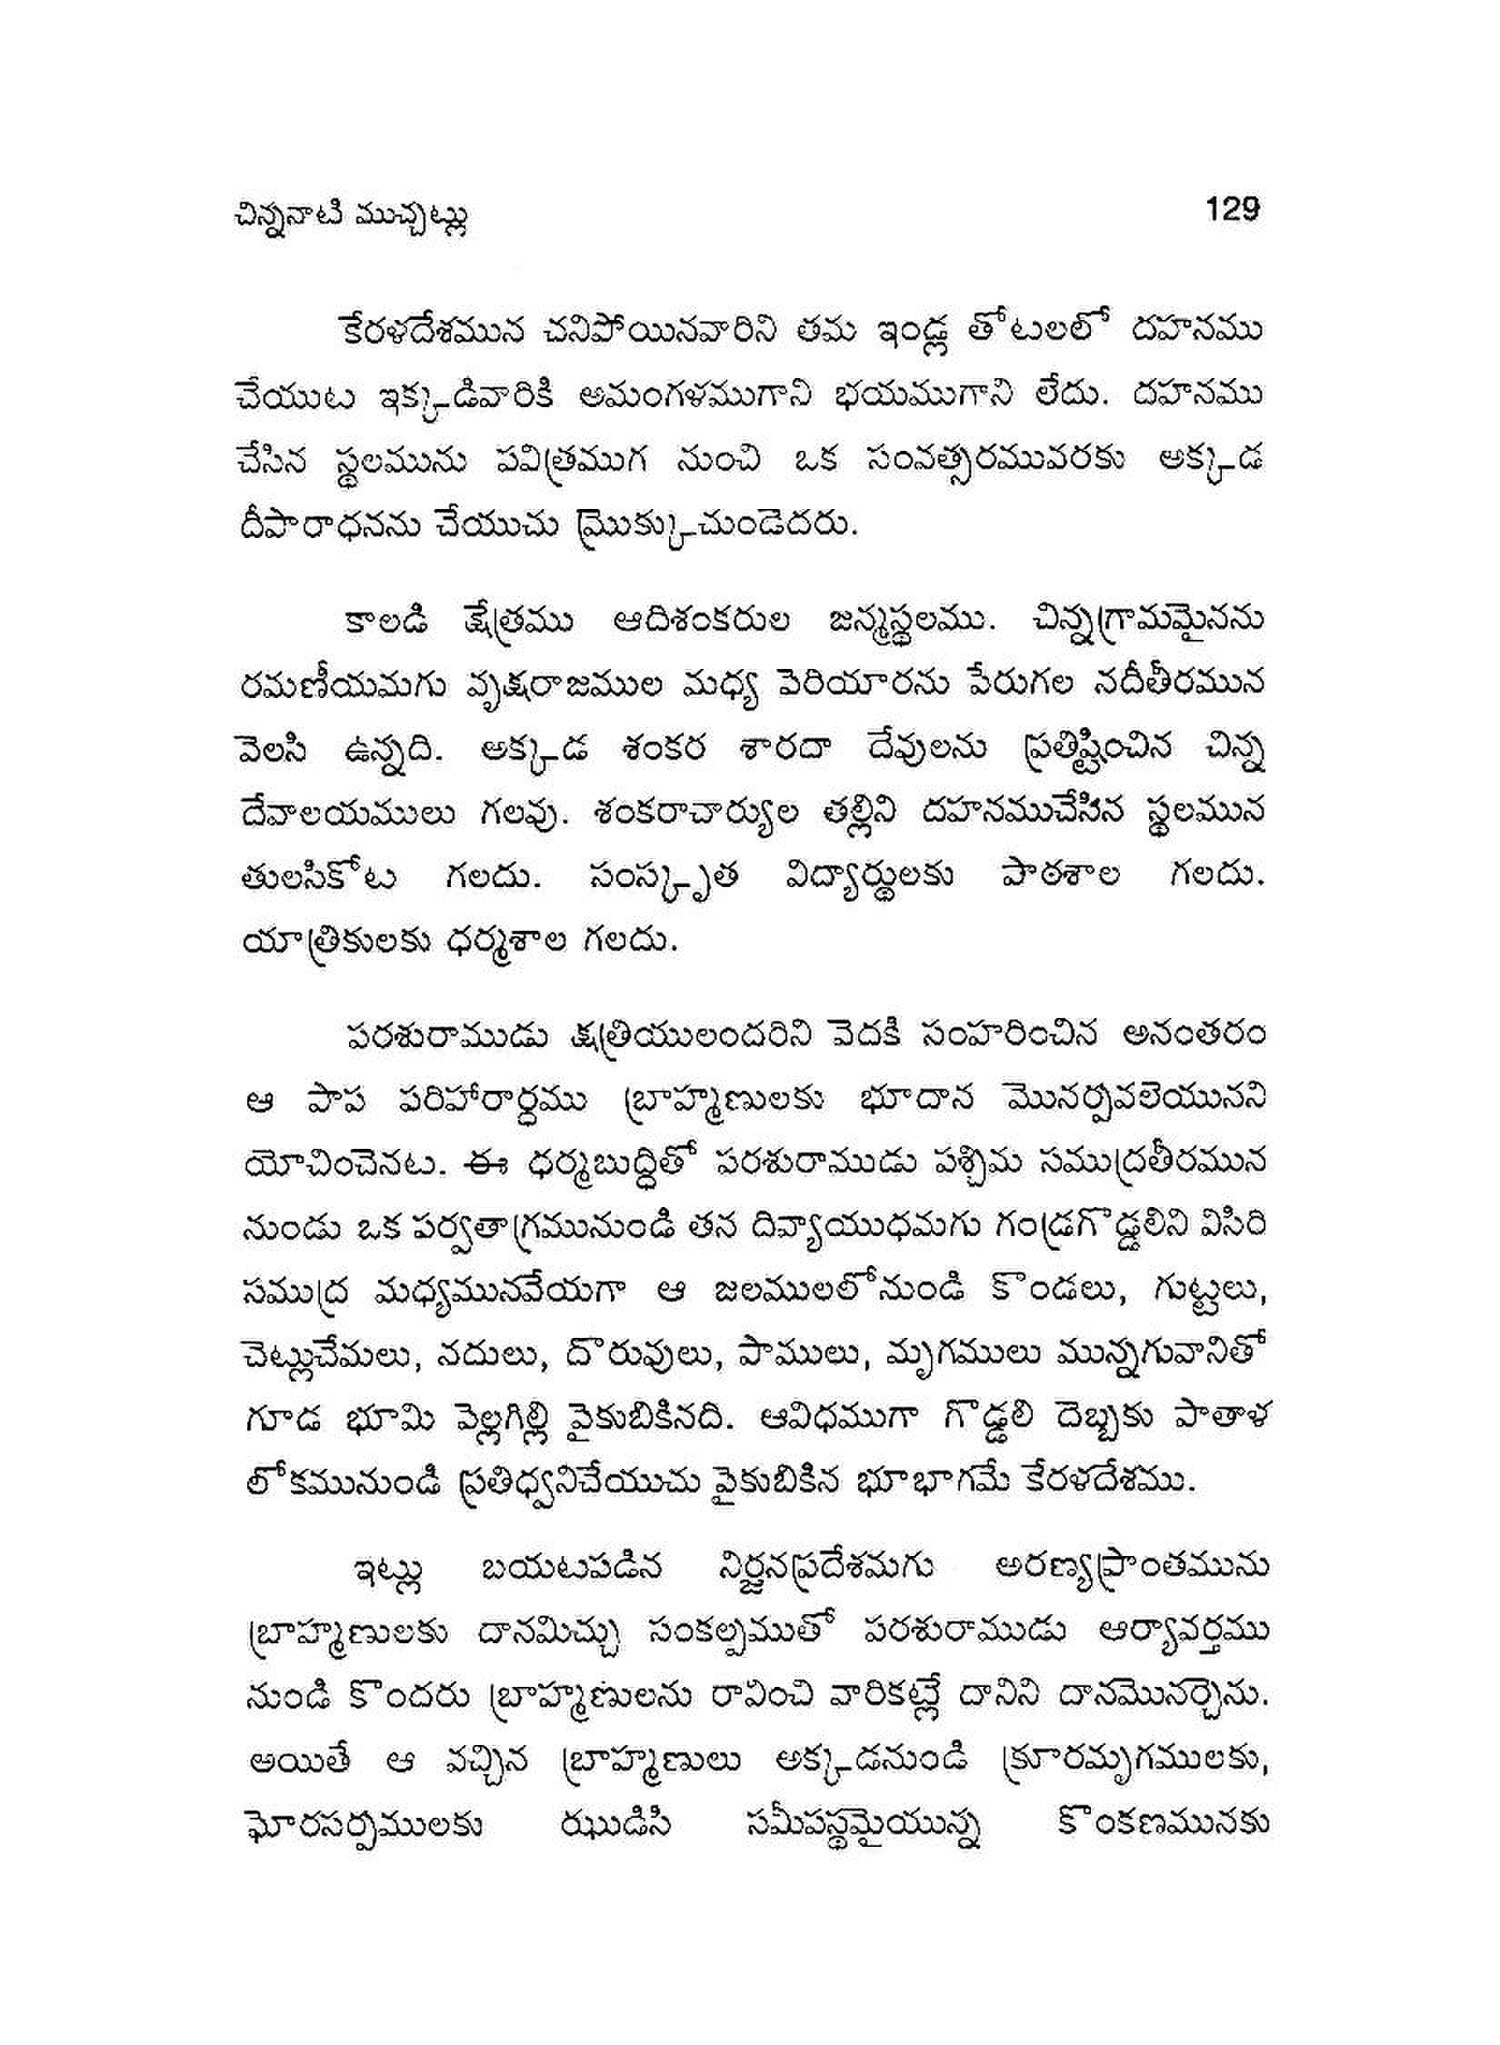కేరళదేశమున చనిపోయినవారిని తమ ఇండ్ల తోటలలో దహనము చేయుట ఇక్కడివారికి అమంగళముగాని భయముగాని లేదు. దహనము చేసిన స్థలమును పవిత్రముగ నుంచి ఒక సంవత్సరమువరకు అక్కడ దీపారాధనను చేయుచు మ్రొక్కుచుండెదరు.

కాలడి క్షేత్రము ఆదిశంకరుల జన్మస్థలము. చిన్న గ్రామమైనను రమణీయమగు వృక్షరాజముల మధ్య పెరియారను పేరుగల నదీతీరమున వెలసి ఉన్నది. అక్కడ శంకర శారదా దేవులను ప్రతిష్టించిన చిన్న దేవాలయములు గలవు. శంకరాచార్యుల తల్లిని దహనముచేసిన స్థలమున తులసికోట గలదు. సంస్కృత విద్యార్థులకు పాఠశాల గలదు. యాత్రికులకు ధర్మశాల గలదు.

పరశురాముడు కత్రియులందరిని వెదకి సంహరించిన అనంతరం ఆ పాప పరిహారార్ధము బ్రాహ్మణులకు భూదాన మొనర్చవలెయునని యోచించెనట. ఈ ధర్మబుద్ధితో పరశురాముడు పశ్చిమ సముద్రతీరమున నుండు ఒక పర్వతాగ్రమునుండి తన దివ్యాయుధమగు గండ్రగొడ్డలిని విసిరి సముద్ర మధ్యమునవేయగా ఆ జలములలోనుండి కొండలు, గుట్టలు, చెట్టుచేమలు, నదులు, దొరువులు, పాములు, మృగములు మున్నగువానితో గూడ భూమి పెల్లగిల్లి వైకుబికినది. ఆవిధముగా గొడ్డలి దెబ్బకు పాతాళ లోకమునుండి ప్రతిధ్వనిచేయుచు పైకుబికిన భూభాగమే కేరళదేశము.

ఇట్లు బయటపడిన నిర్జనప్రదేశమగు అరణ్యప్రాంతమును బ్రాహ్మణులకు దానమిచ్చు సంకల్పముతో పరశురాముడు ఆర్యావర్తము నుండి కొందరు బ్రాహ్మణులను రావించి వారికట్టే దానిని దానమొనర్చెను. అయితే ఆ వచ్చిన బ్రాహ్మణులు అక్కడనుండి క్రూరమృగములకు, ఘోరసర్పములకు ఝడిసి సమీపస్థమైయున్న కొంకణమునకు